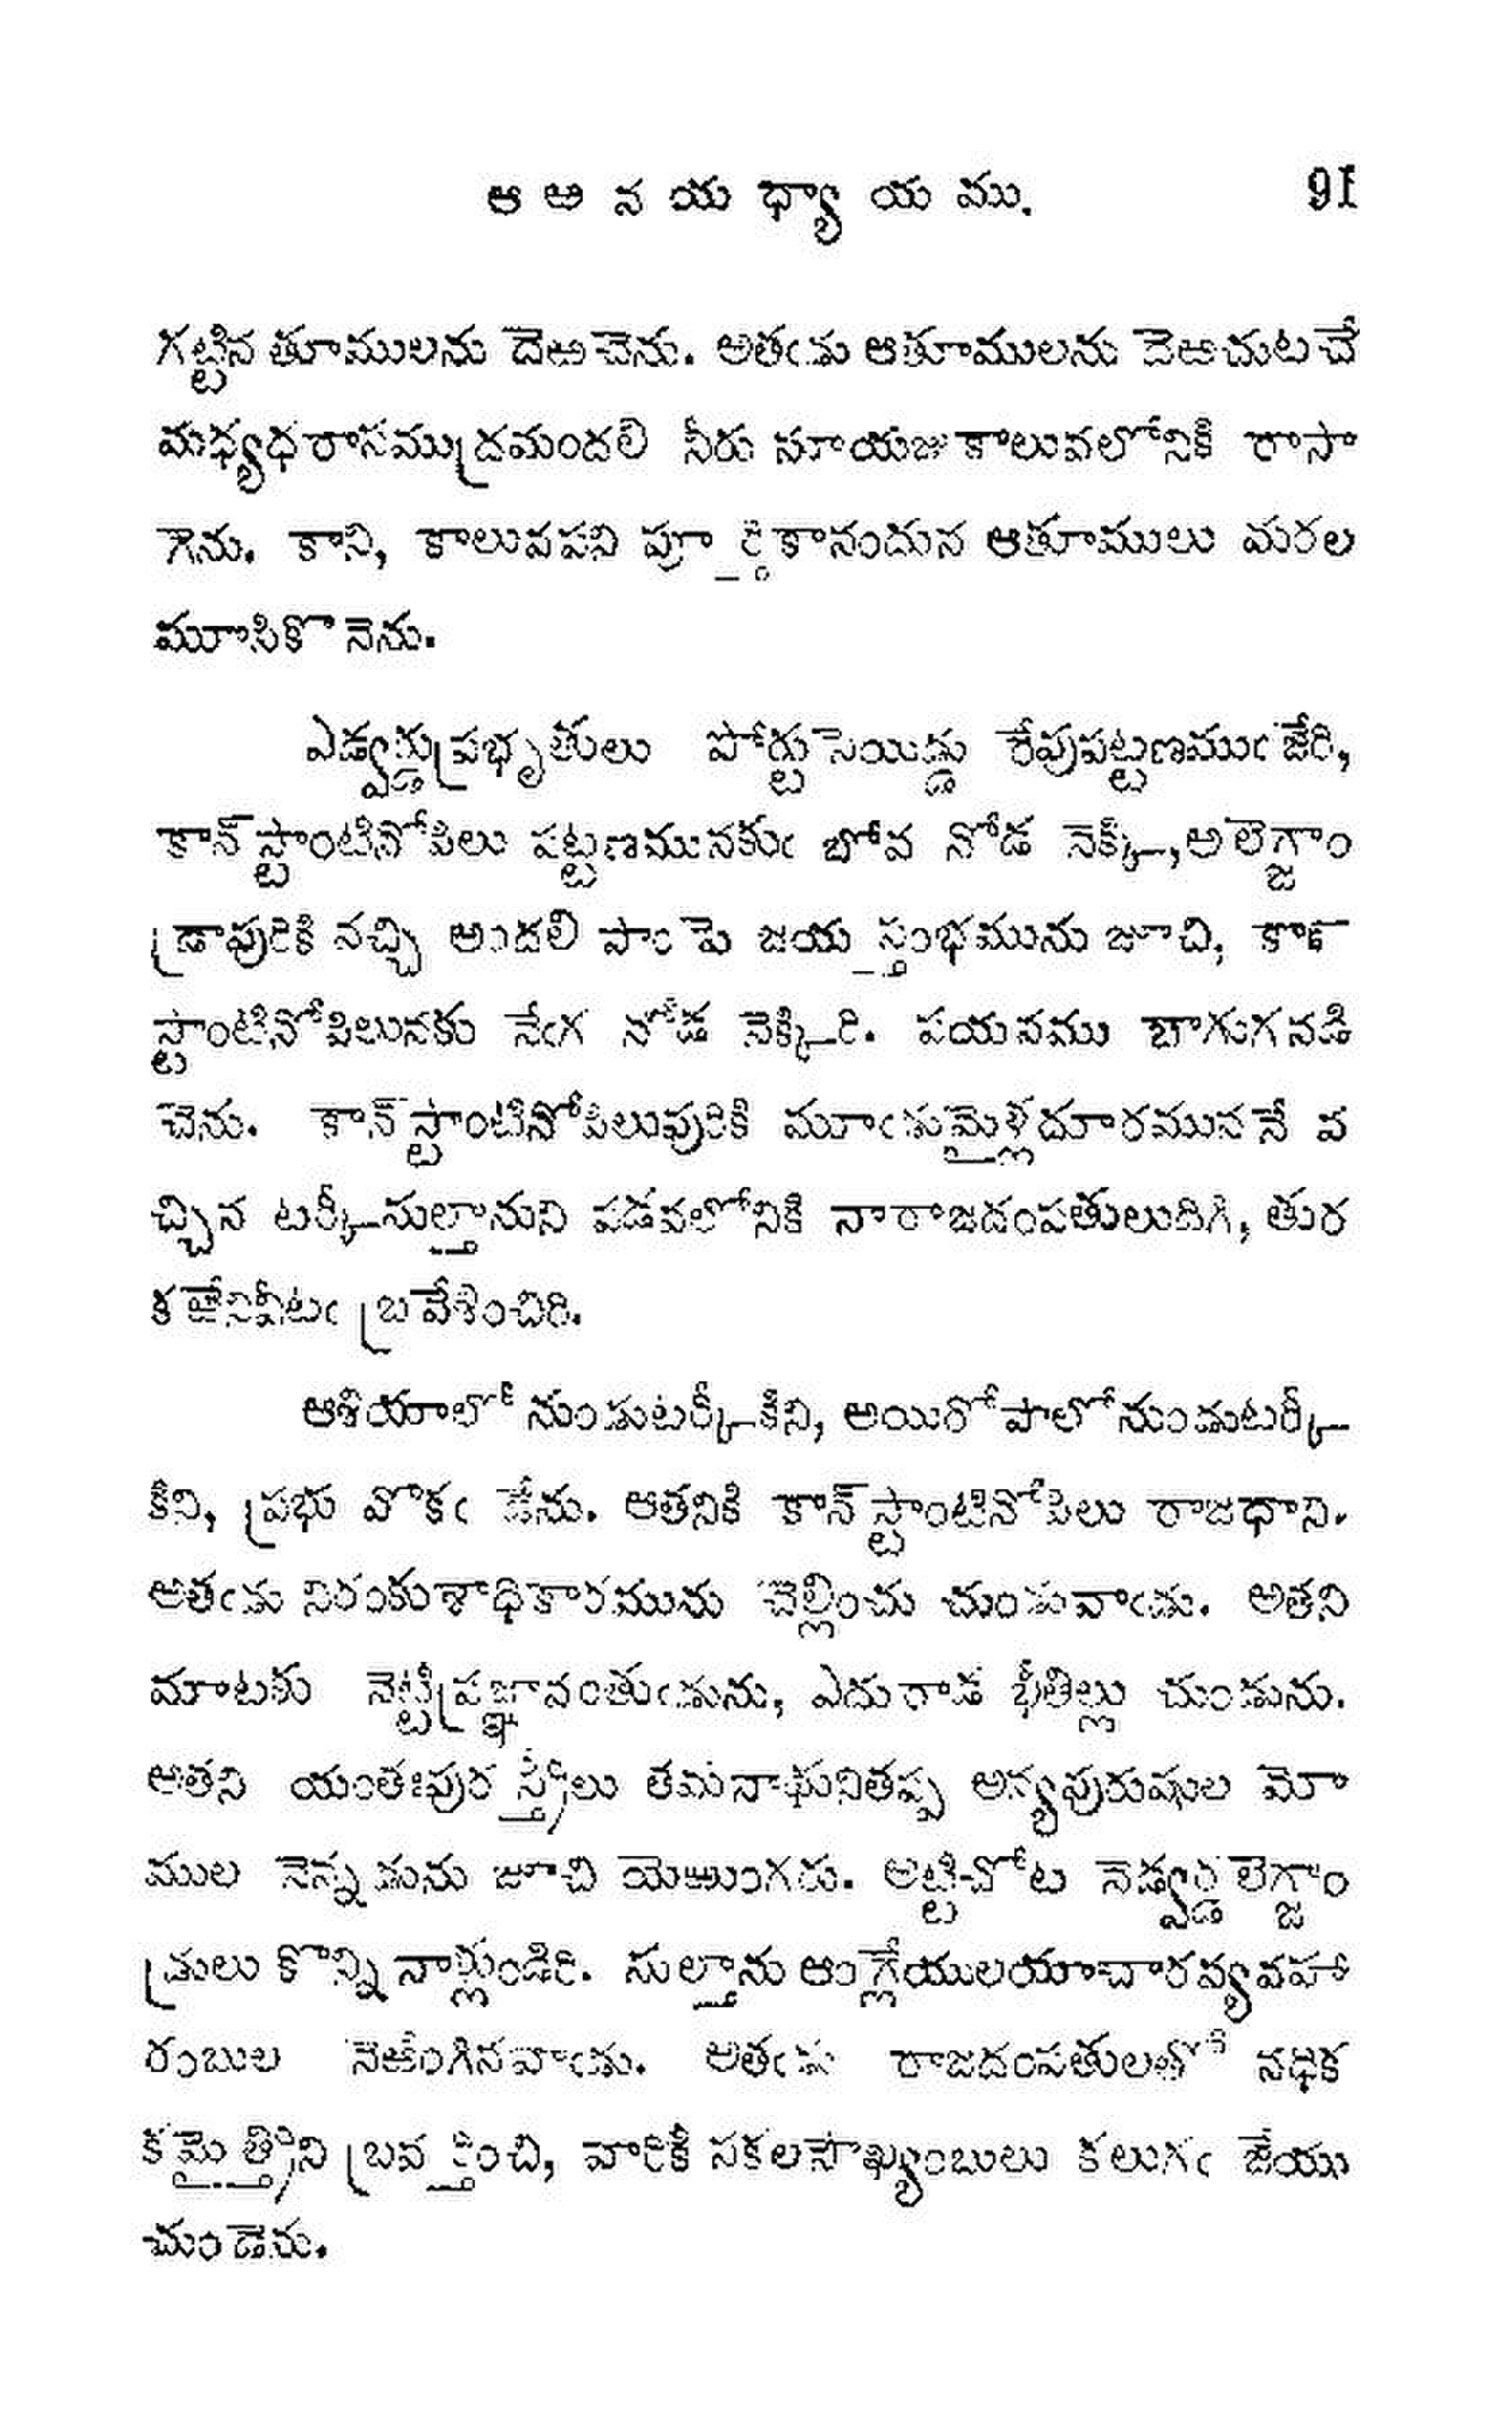గట్టిన తూములను దెఱచెను. అతఁడు ఆతూములను దెఱచుటచేమధ్యధరా సముద్రమందలి నీరు సూయజు కాలువలోనికి రాసాగెను. కానీ, కాలువ పని పూరి కానందున ఆతూములు మరల
మూసికొనెను.
.
ఎడ్వర్డు ప్రభృతులు పోర్టు సెయిడ్డు రేపు పట్టణముఁ జేరి, కాన్ స్టాంటినోపిలు పట్టణమునకుఁ బోవ నోడ నెక్కి, అలెగ్జాండ్రాపురికి నచ్చి అందలి పాంపె జయ స్తంభమును జూచి, కాన్
స్టాంటినోపిలునకు నేఁగ నోడ నెక్కి... పయనము బాగుగ నడిచెను. కాన్ స్టాంటినోపిలు పురికి మూడుమైళ్ల దూరమున నే వ చ్చిన టర్కీ సుల్తానుని పడవలోనికి నారాజదంపతులు దిగి, తుర
క రేనివీటఁ బ్రవేశించిరి

ఆశీయాలోనుండు, టర్కీ కిని, అయిరోపొలోనుండు టర్కీ-కిని, ప్రభు వొకఁ డేను. అతనికి కాన్ స్టాంటినోపిలు రాజధాని, అతను నిరంకుశాధికారమును చెల్లించు చుండువాడు. అతని
మాటకు నెట్టి ప్రజ్ఞావంతుఁడును, ఎదు రాడ భీతిల్లు చుండును.అతని యంతఃపుర స్త్రీలు తమ నాథునితప్ప అన్యపురుషుల మోముల నెన్నడును జూచి యెఱుగరు. అట్టిచోట ఎడ్వర్డలెగ్జాం
డ్రులు కొన్ని నాళ్లుండిరి. సుల్తాను ఆంగ్లేయుల యాచార వ్యవహారుబులు నెరింగిన వాడు. అతడు రాజదంపతులతో నధికమైత్రిని బ్రవ ర్తించి, వారికి సకల సౌఖ్యంబులు కలుగఁ జేయు
చుండెను.